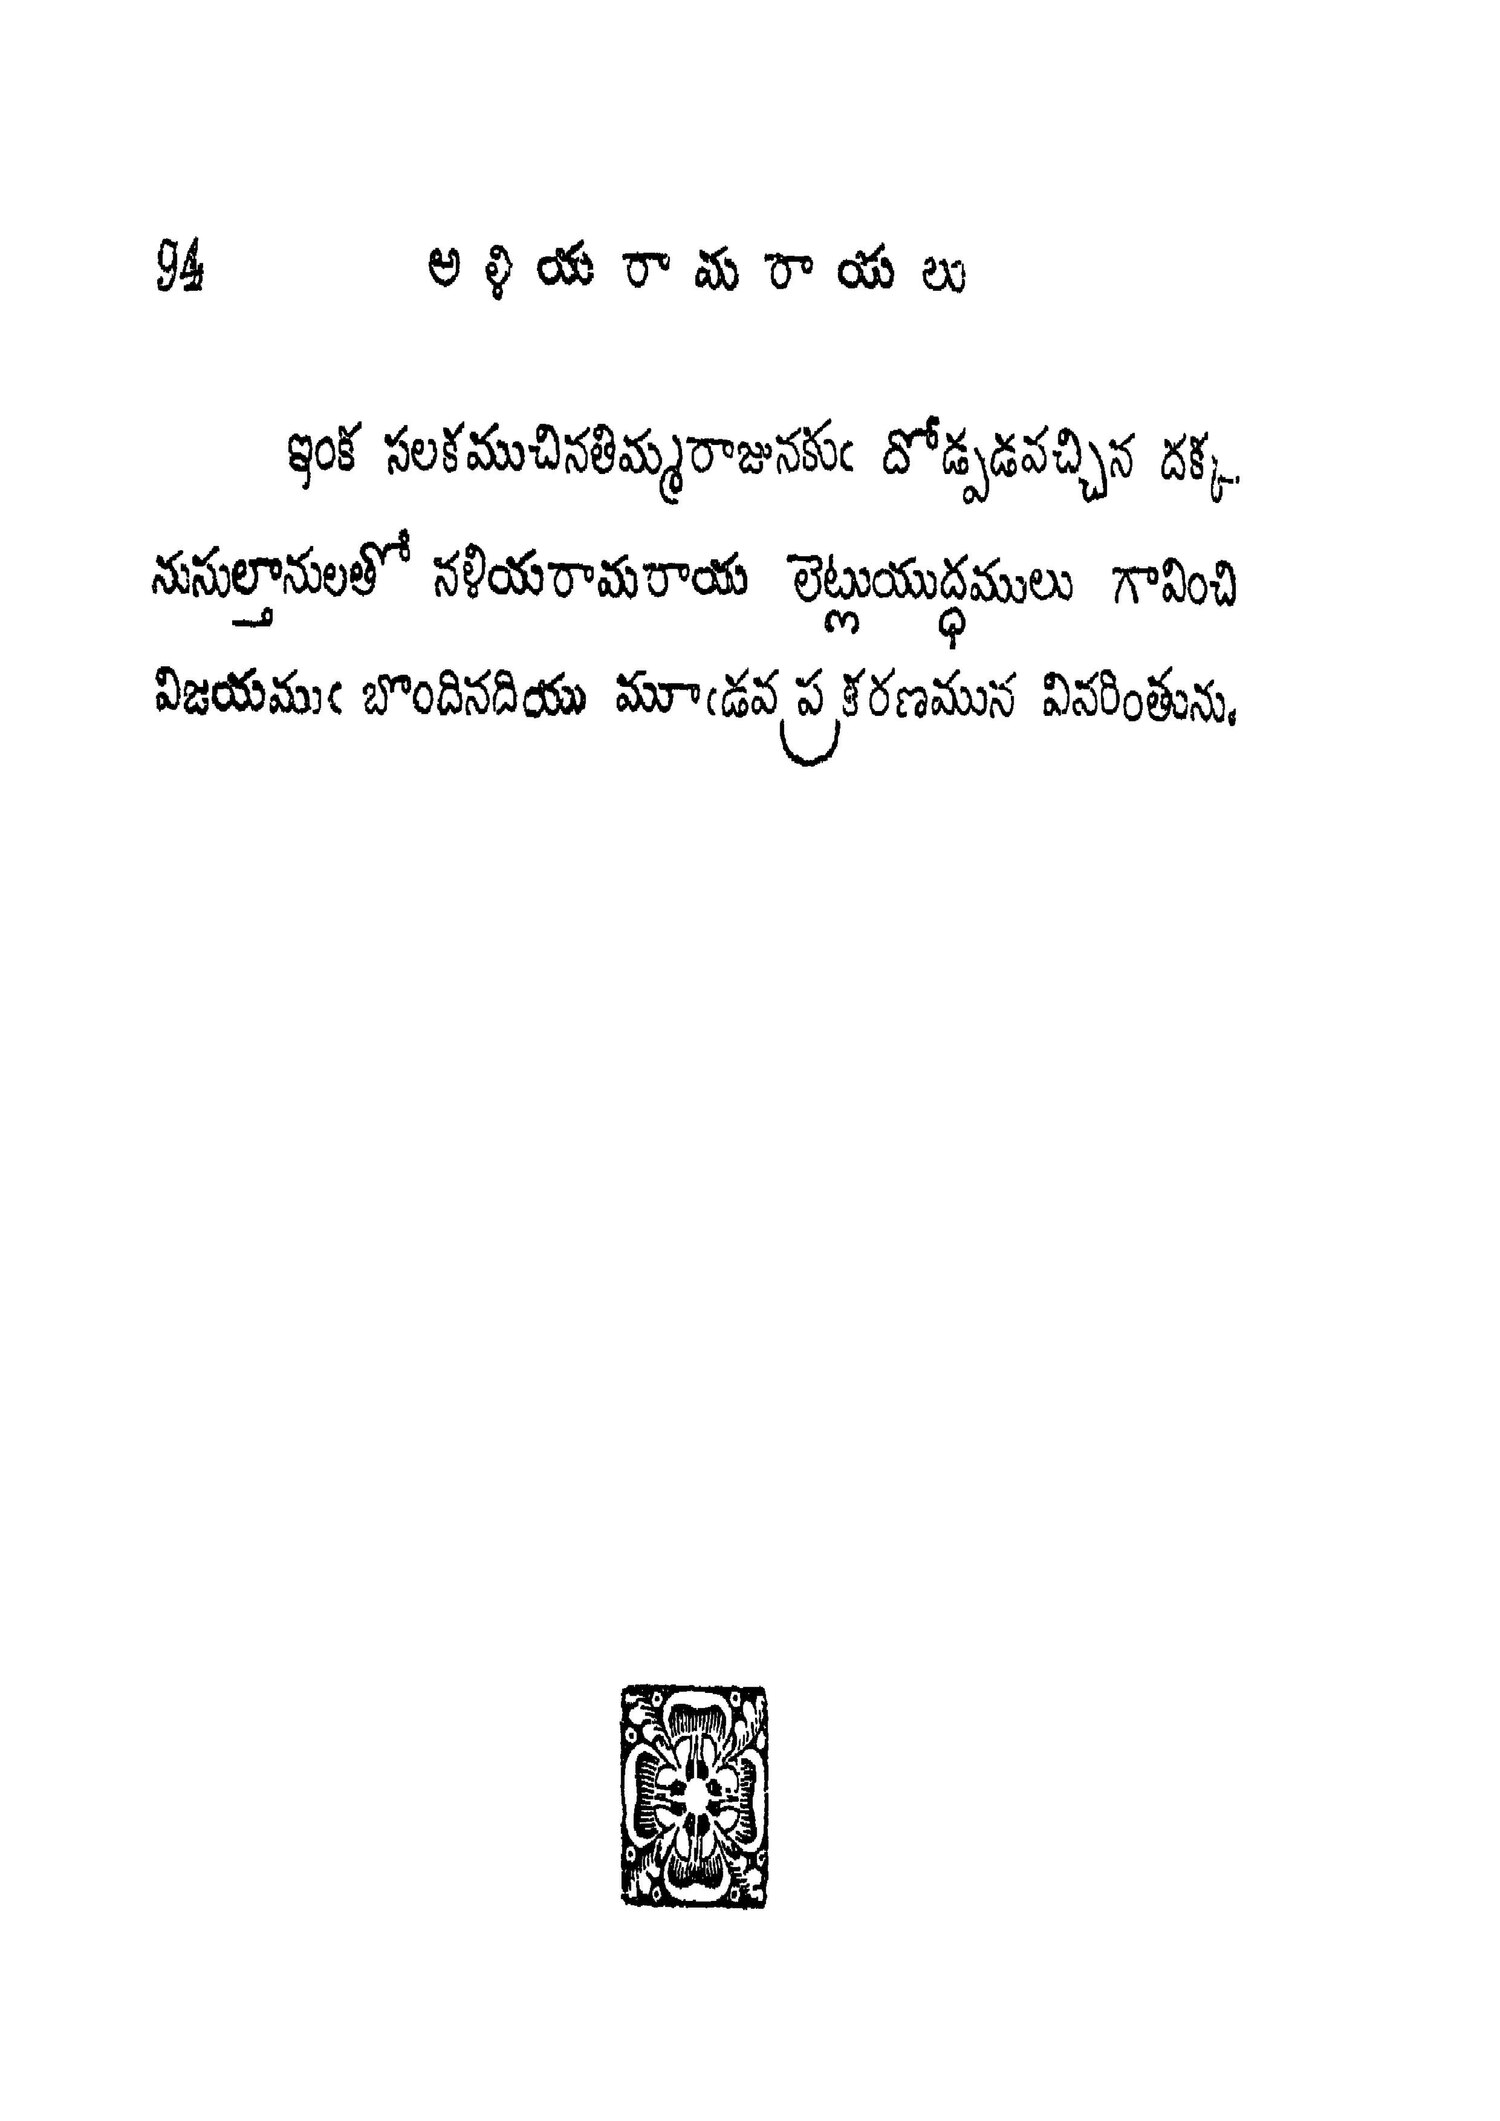ఇంక సలకముచినతిమ్మరాజునకు దోడ్పడవచ్చిన దక్కనుసుల్తానులతో నళియరామరాయ లెట్లుయుద్ధములు గావించి విజయము బొందినదియు మూడవప్రకరణమున వివరింతును.